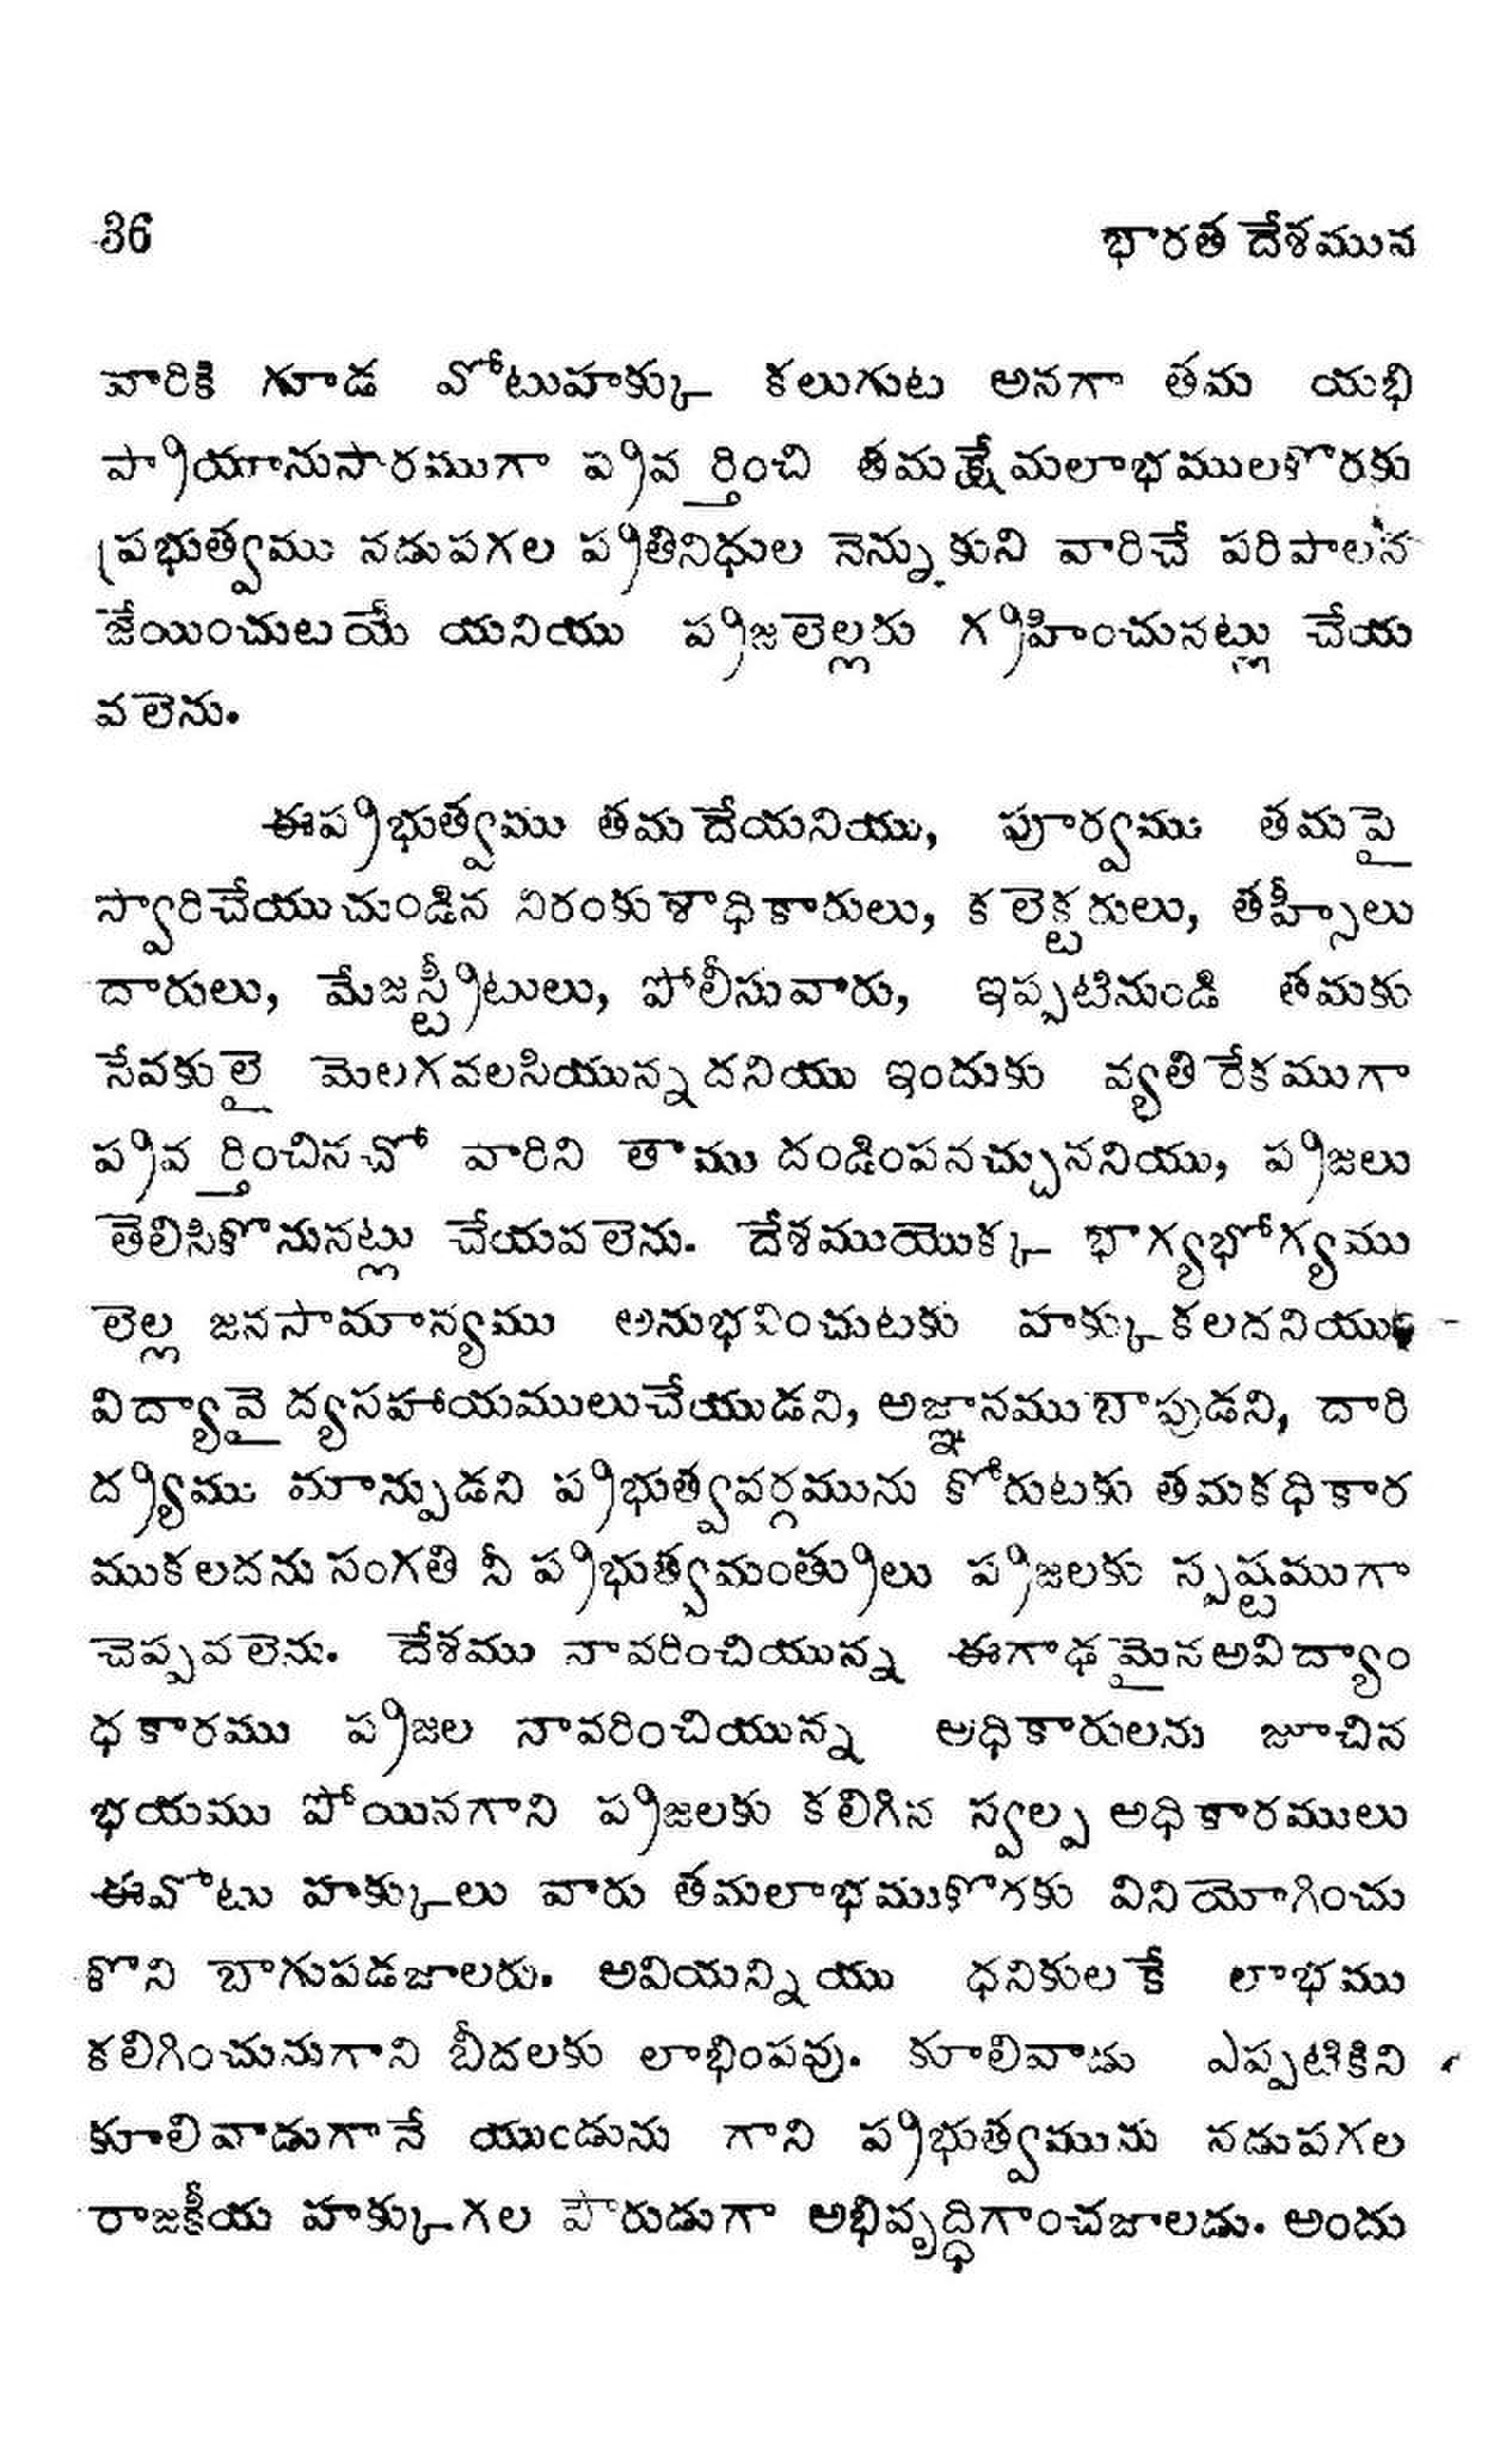వారికి గూడ వోటుహక్కు కలుగుట అనగా తమ యభిప్రాయానుసారముగా ప్రవర్తించి తమక్షేమలాభములకొరకు ప్రభుత్వము నడుపగల ప్రతినిధుల నెన్నుకుని వారిచే పరిపాలన జేయించుటయే యనియు ప్రజలెల్లరు గ్రహించునట్లు చేయవలెను.

ఈప్రభుత్వము తమదేయనియు, పూర్వము తమపై స్వారిచేయుచుండిన నిరంకుశాధికారులు, కలెక్టరులు, తహ్సీలుదారులు, మేజస్ట్రీటులు, పోలీసువారు, ఇప్పటినుండి తమకు సేవకులై మెలగవలసియున్నదనియు ఇందుకు వ్యతిరేకముగా ప్రవర్తించినచో వారిని తాము దండింపవచ్చుననియు, ప్రజలు తెలిసికొనునట్లు చేయవలెను. దేశముయొక్క భాగ్యభోగ్యములెల్ల జనసామాన్యము అనుభవించుటకు హక్కుకలదనియు - విద్యావైద్యసహాయములు చేయుడని, అజ్ఞానముబాపుడని, దారిద్ర్యము మాన్పుడని ప్రభుత్వవర్గమును కోరుటకు తమకధికారముకలదను సంగతి నీ ప్రభుత్వమంత్రులు ప్రజలకు స్పష్టముగా చెప్పవలెను. దేశము నావరించియున్న ఈగాఢమైన అవిద్యాంధకారము ప్రజల నావరించియున్న అధికారులను జూచిన భయము పోయినగాని ప్రజలకు కలిగిన స్వల్ప అధికారములు ఈవోటు హక్కులు వారు తమలాభముకొరకు వినియోగించుకొని బాగుపడజాలరు. అవియన్నియు ధనికులకే లాభము కలిగించునుగాని బీదలకు లాభింపవు. కూలివాడు ఎప్పటికిని , కూలివాడుగానే యుండును గాని ప్రభుత్వమును నడుపగల రాజకీయ హక్కుగల పౌరుడుగా అభివృద్ధిగాంచజాలడు. అందు